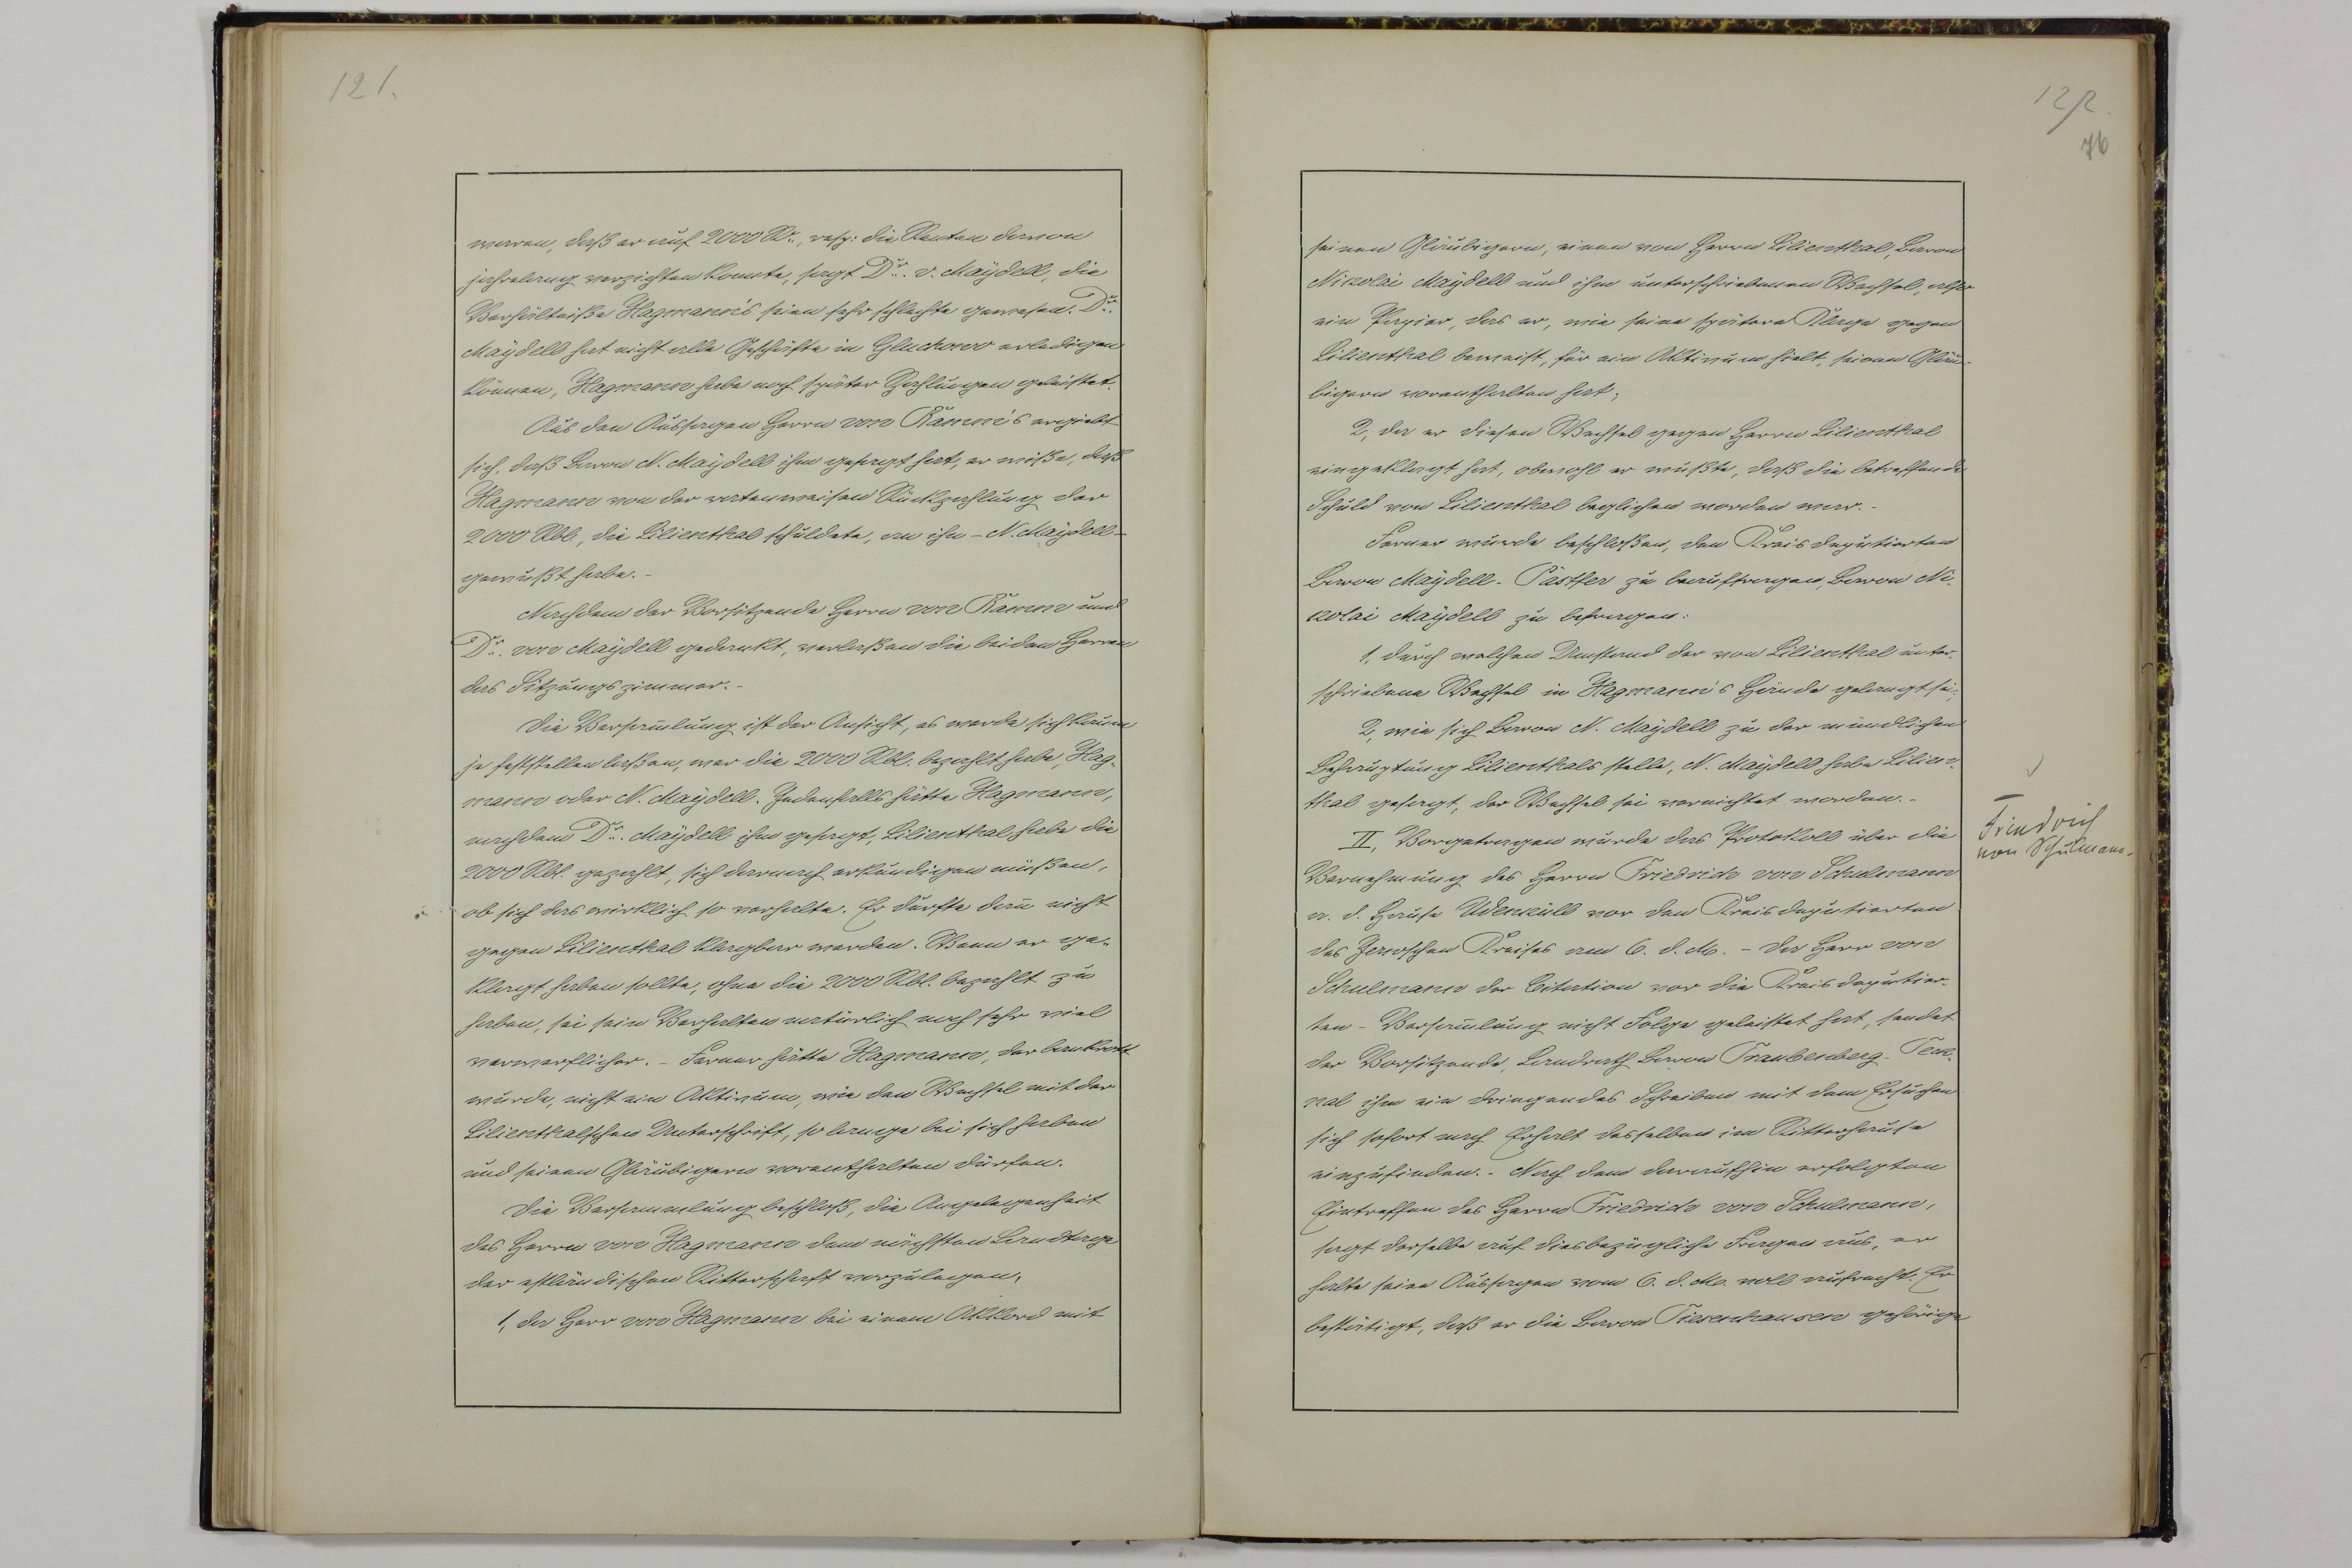waren, daß er auf 2000 Ro., resp. die Renten davon
jahrelang verzichten konnte, sagt Dr. v. Maydell, die
Verhältniße Hagmannʼs seien sehr schlechte gewesen. Dr.
Maydell hat nicht alle Geschäfte in Gluchowo erledigen
können, Hagmann habe noch später Zahlungen geleistet.
Aus den Aussagen Herrn von Rammʼs ergiebt
sich, daß Baron N. Maydell ihm gesagt hat, er wiße, daß
Hagmann von der ratenweisen Rückzahlung der
2000 Rbl., die Lilienthal schuldete, an ihn – N. Maydell –
gewußt habe.
Nachdem der Vorsitzende Herrn von Ramm und
Dr. von Maydell gedankt, verlaßen die beiden Herren
das Sitzungszimmer.
Die Versammlung ist der Ansicht, es werde sich kaum
je feststellen laßen, wer die 2000 Rbl. bezahlt habe, Hag-
mann oder N. Maydell. Jedenfalls hätte Hagmann,
nachdem Dr. Maydell ihm gesagt, Lilienthal habe die
2000 Rbl. gezahlt, sich darnach erkundigen müßen,
ob sich das wirklich so verhalte. Er durfte dann nicht
gegen Lilienthal klagbar werden. Wenn er ge-
klagt haben sollte, ohne die 2000 Rbl. bezahlt zu
haben, sei sein Verhalten natürlich noch sehr viel
verwerflicher. – Ferner hätte Hagmann, der bankrott
wurde, nicht ein Aktivum, wie den Wechsel mit der
Lilienthalschen Unterschrift, so lange bei sich haben
und seinen Gläubigern vorenthalten dürfen.
Die Versammlung beschloß, die Angelegenheit
des Herrn von Hagmann dem nächsten Landtage
der estländischen Ritterschaft vorzulegen,
1. da Herr von Hagmann bei einem Akkord mit
seinen Gläubigern, einen von Herrn Lilienthal, Baron
Nikolai Maydell und ihm unterschriebenen Wechsel, also
ein Papier, das er, wie seine spätere Klage gegen
Lilienthal beweist, für ein Aktivum hielt, seinen Gläu-
bigern vorenthalten hat;
2. da er diesen Wechsel gegen Herrn Lilienthal
eingeklagt hat, obwohl er wußte, daß die betreffende
Schuld von Lilienthal beglichen worden war.
Ferner wurde beschloßen, den Kreisdeputierten
Baron Maydell-Pastfer zu beauftragen, Baron Ni-
kolai Maydell zu befragen:
1. durch welchen Umstand der von Lilienthal unter-
schriebene Wechsel in Hagmannʼs Hände gelangt sei;
2. wie sich Baron N. Maydell zu der mündlichen
Behauptung Lilienthals stelle, N. Maydell habe Lilien-
thal gesagt, der Wechsel sei vernichtet worden.
II. Vorgetragen wurde das Protokoll über die
Vernehmung des Herrn Friedrich von Schulmann
a. d. Hause Udenküll vor den Kreisdeputierten
des Jerwschen Kreises am 6. d. Mo. – Da Herr von
Schulmann der Citation vor die Kreisdeputier-
ten-Versammlung nicht Folge geleistet hat, sendet
der Vorsitzende, Landrath Baron Traubenberg-Teck-
nal ihm ein dringendes Schreiben mit dem Ersuchen
sich sofort nach Erhalt desselben im Ritterhause
einzufinden. - Nach dem daraufhin erfolgten
Eintreffen des Herrn Friedrich von Schulmann,
sagt derselbe auf diesbezügliche Fragen aus, er
halte seine Aussagen vom 6. d. Mo. voll aufrecht. Er
bestätigt, daß er die Baron Tiesenhausen gehörige
Friedrich
von Schulmann